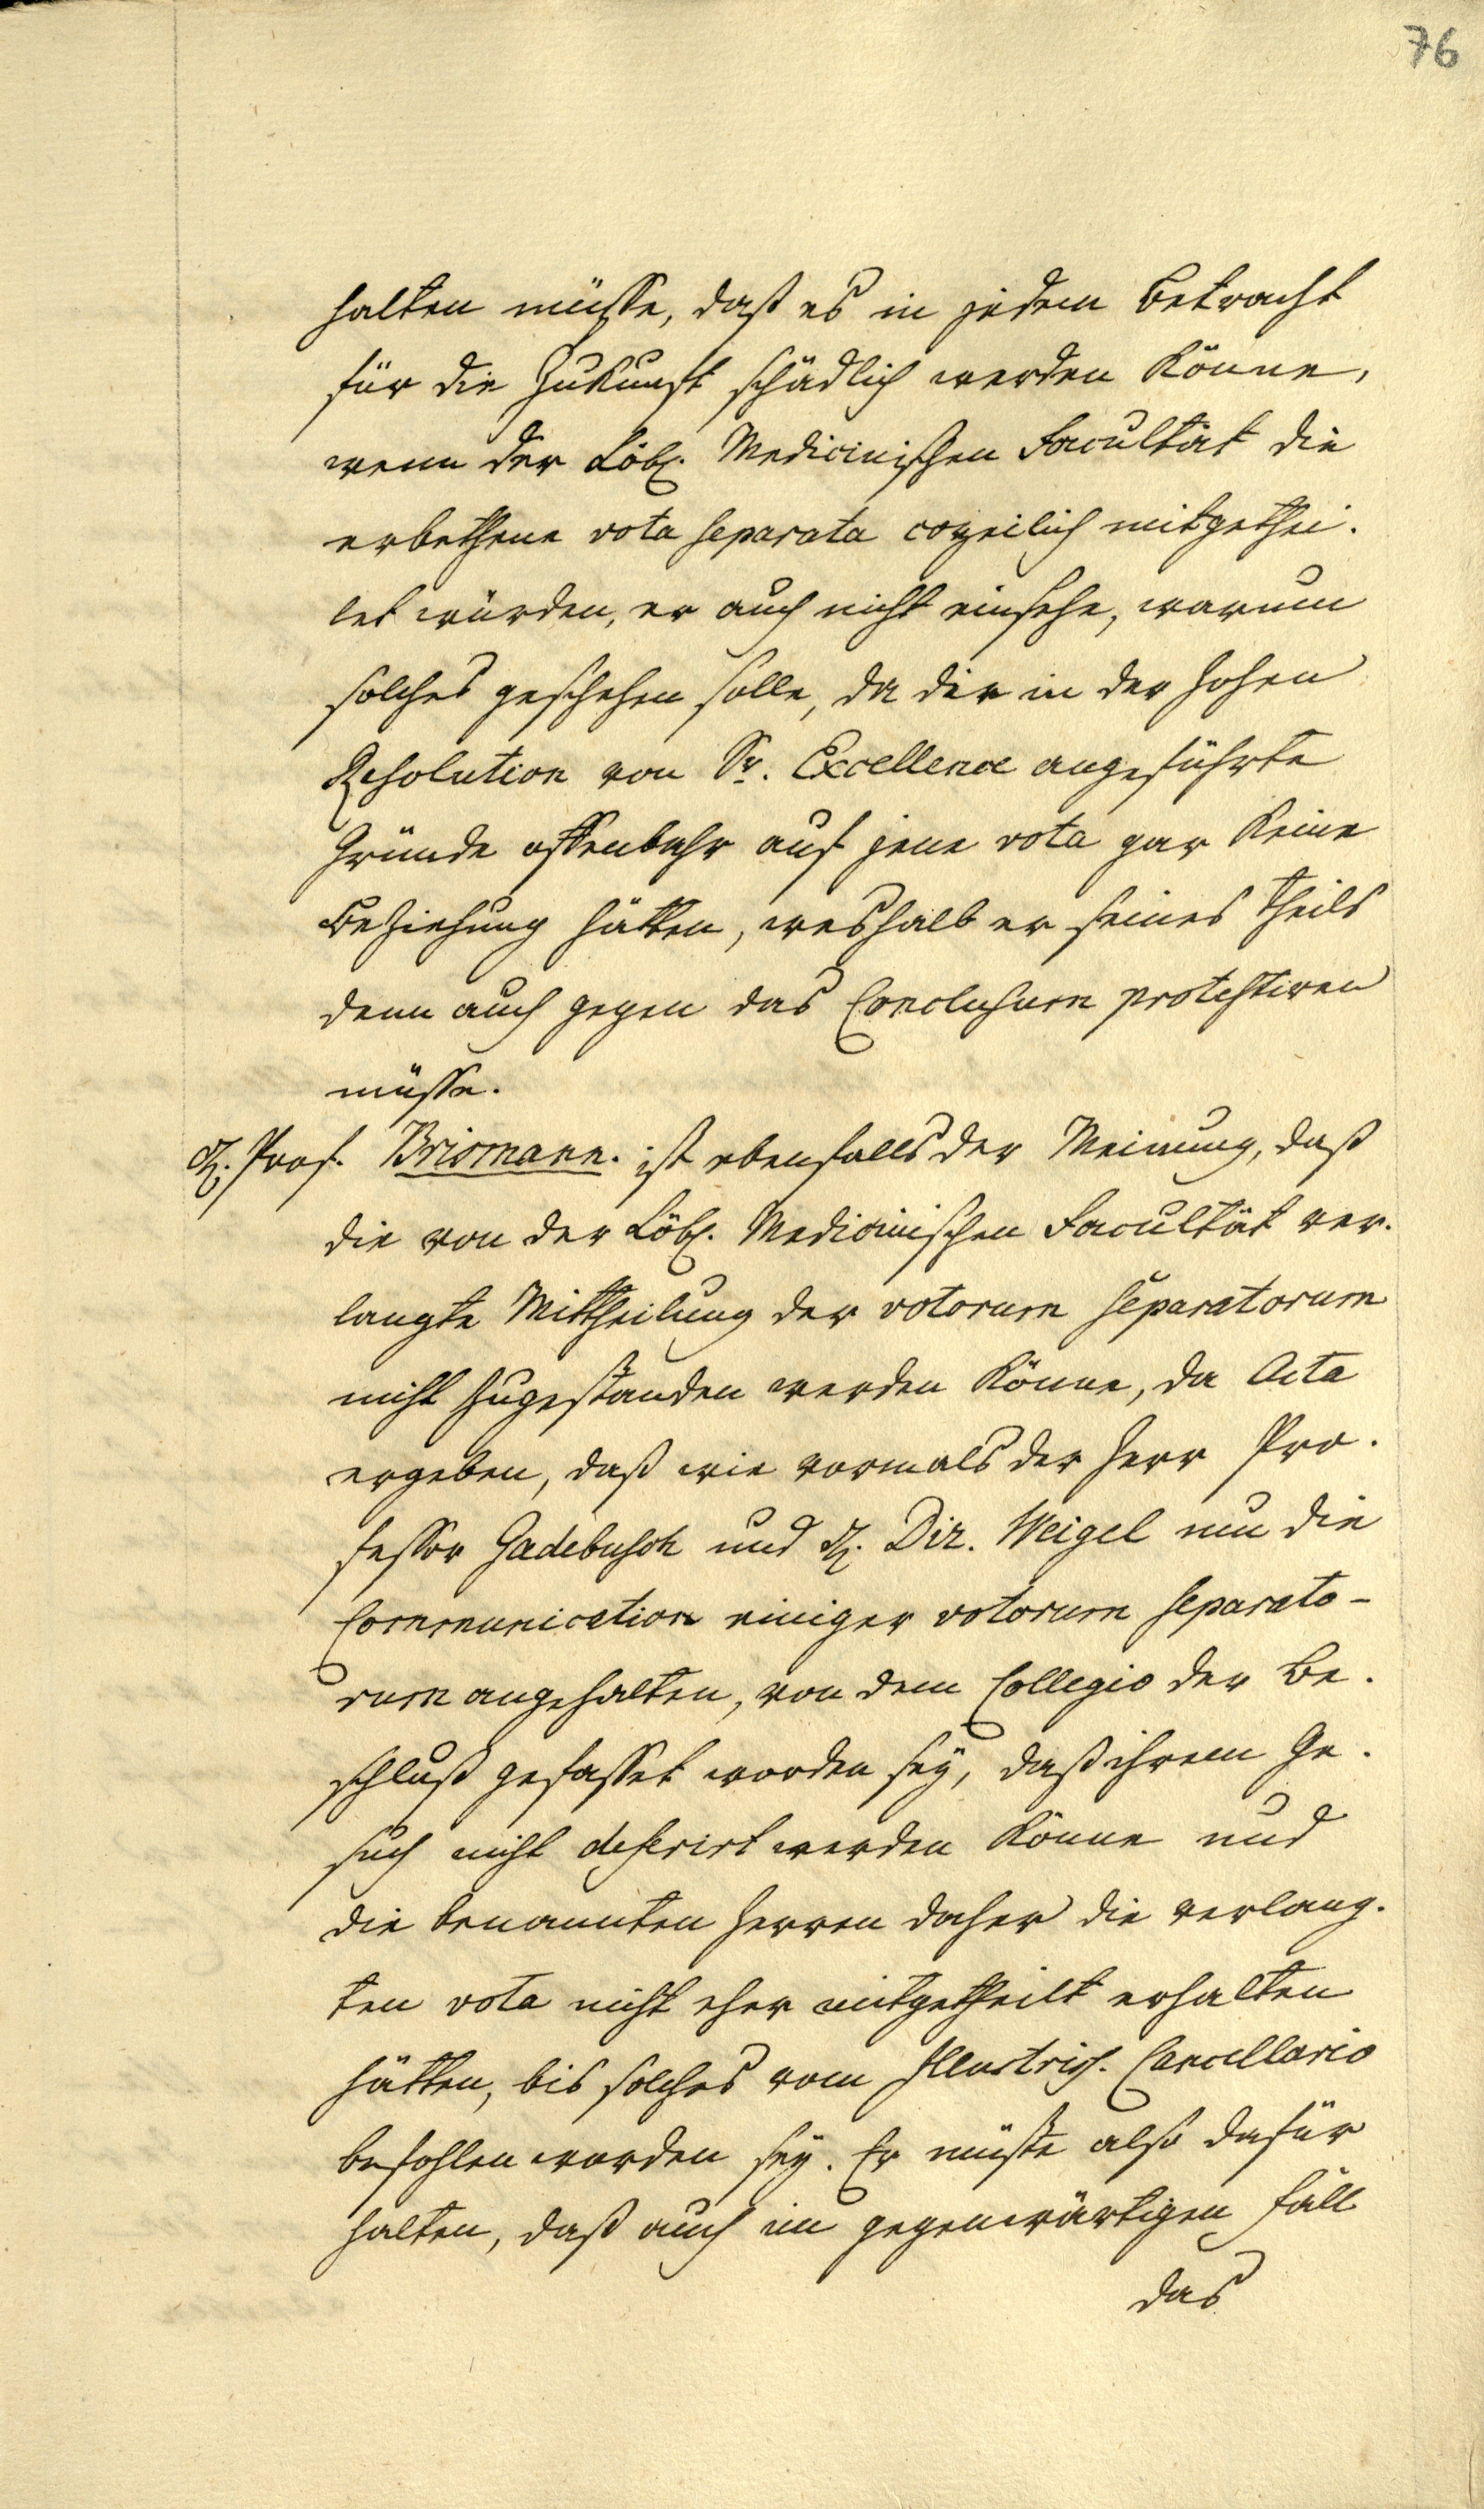halten müsse, daß es in jedem Betracht
für die Zukunft schädlich werden könne,
wenn der Löbl. Medicinischen Facultät die
erbethene vota separata copeilich mitgethei¬
let würden, er auch nicht einsehe, warum
solches geschehen solle, da die in der hohen
Resolution von Sr. Excellence angeführte
Gründe offenbahr auf jene vota gar keine
Beziehung hätten, weshalb er seines Theils
denn auch gegen das Conclusum protestiren
müsse.
dh. Prof. Brismann. ist ebenfalls der Meinung, daß
die von der Löbl. Medicinischen Facultät ver¬
langte Mittheilung der votorum separatorum
nicht zugestanden werden könne, da Acta
ergeben, daß wie vormals der Herr Pro¬
fessor Gadebusch und dh. Dir. Weigel um die
Communication einiger votorum separato¬
rum angehalten, von dem Collegio der Be¬
schluß gefasset worden seÿ, daß ihrem Ge¬
such nicht deferirt werden könne und
die benannten Herren daher die verlang¬
ten vota nicht eher mitgetheilt erhalten
hätten, bis solches vom Illustriss. Cancellario
befohlen worden seÿ. Er müste also dafür
halten, daß auch im gegenwärtigen Fall
das